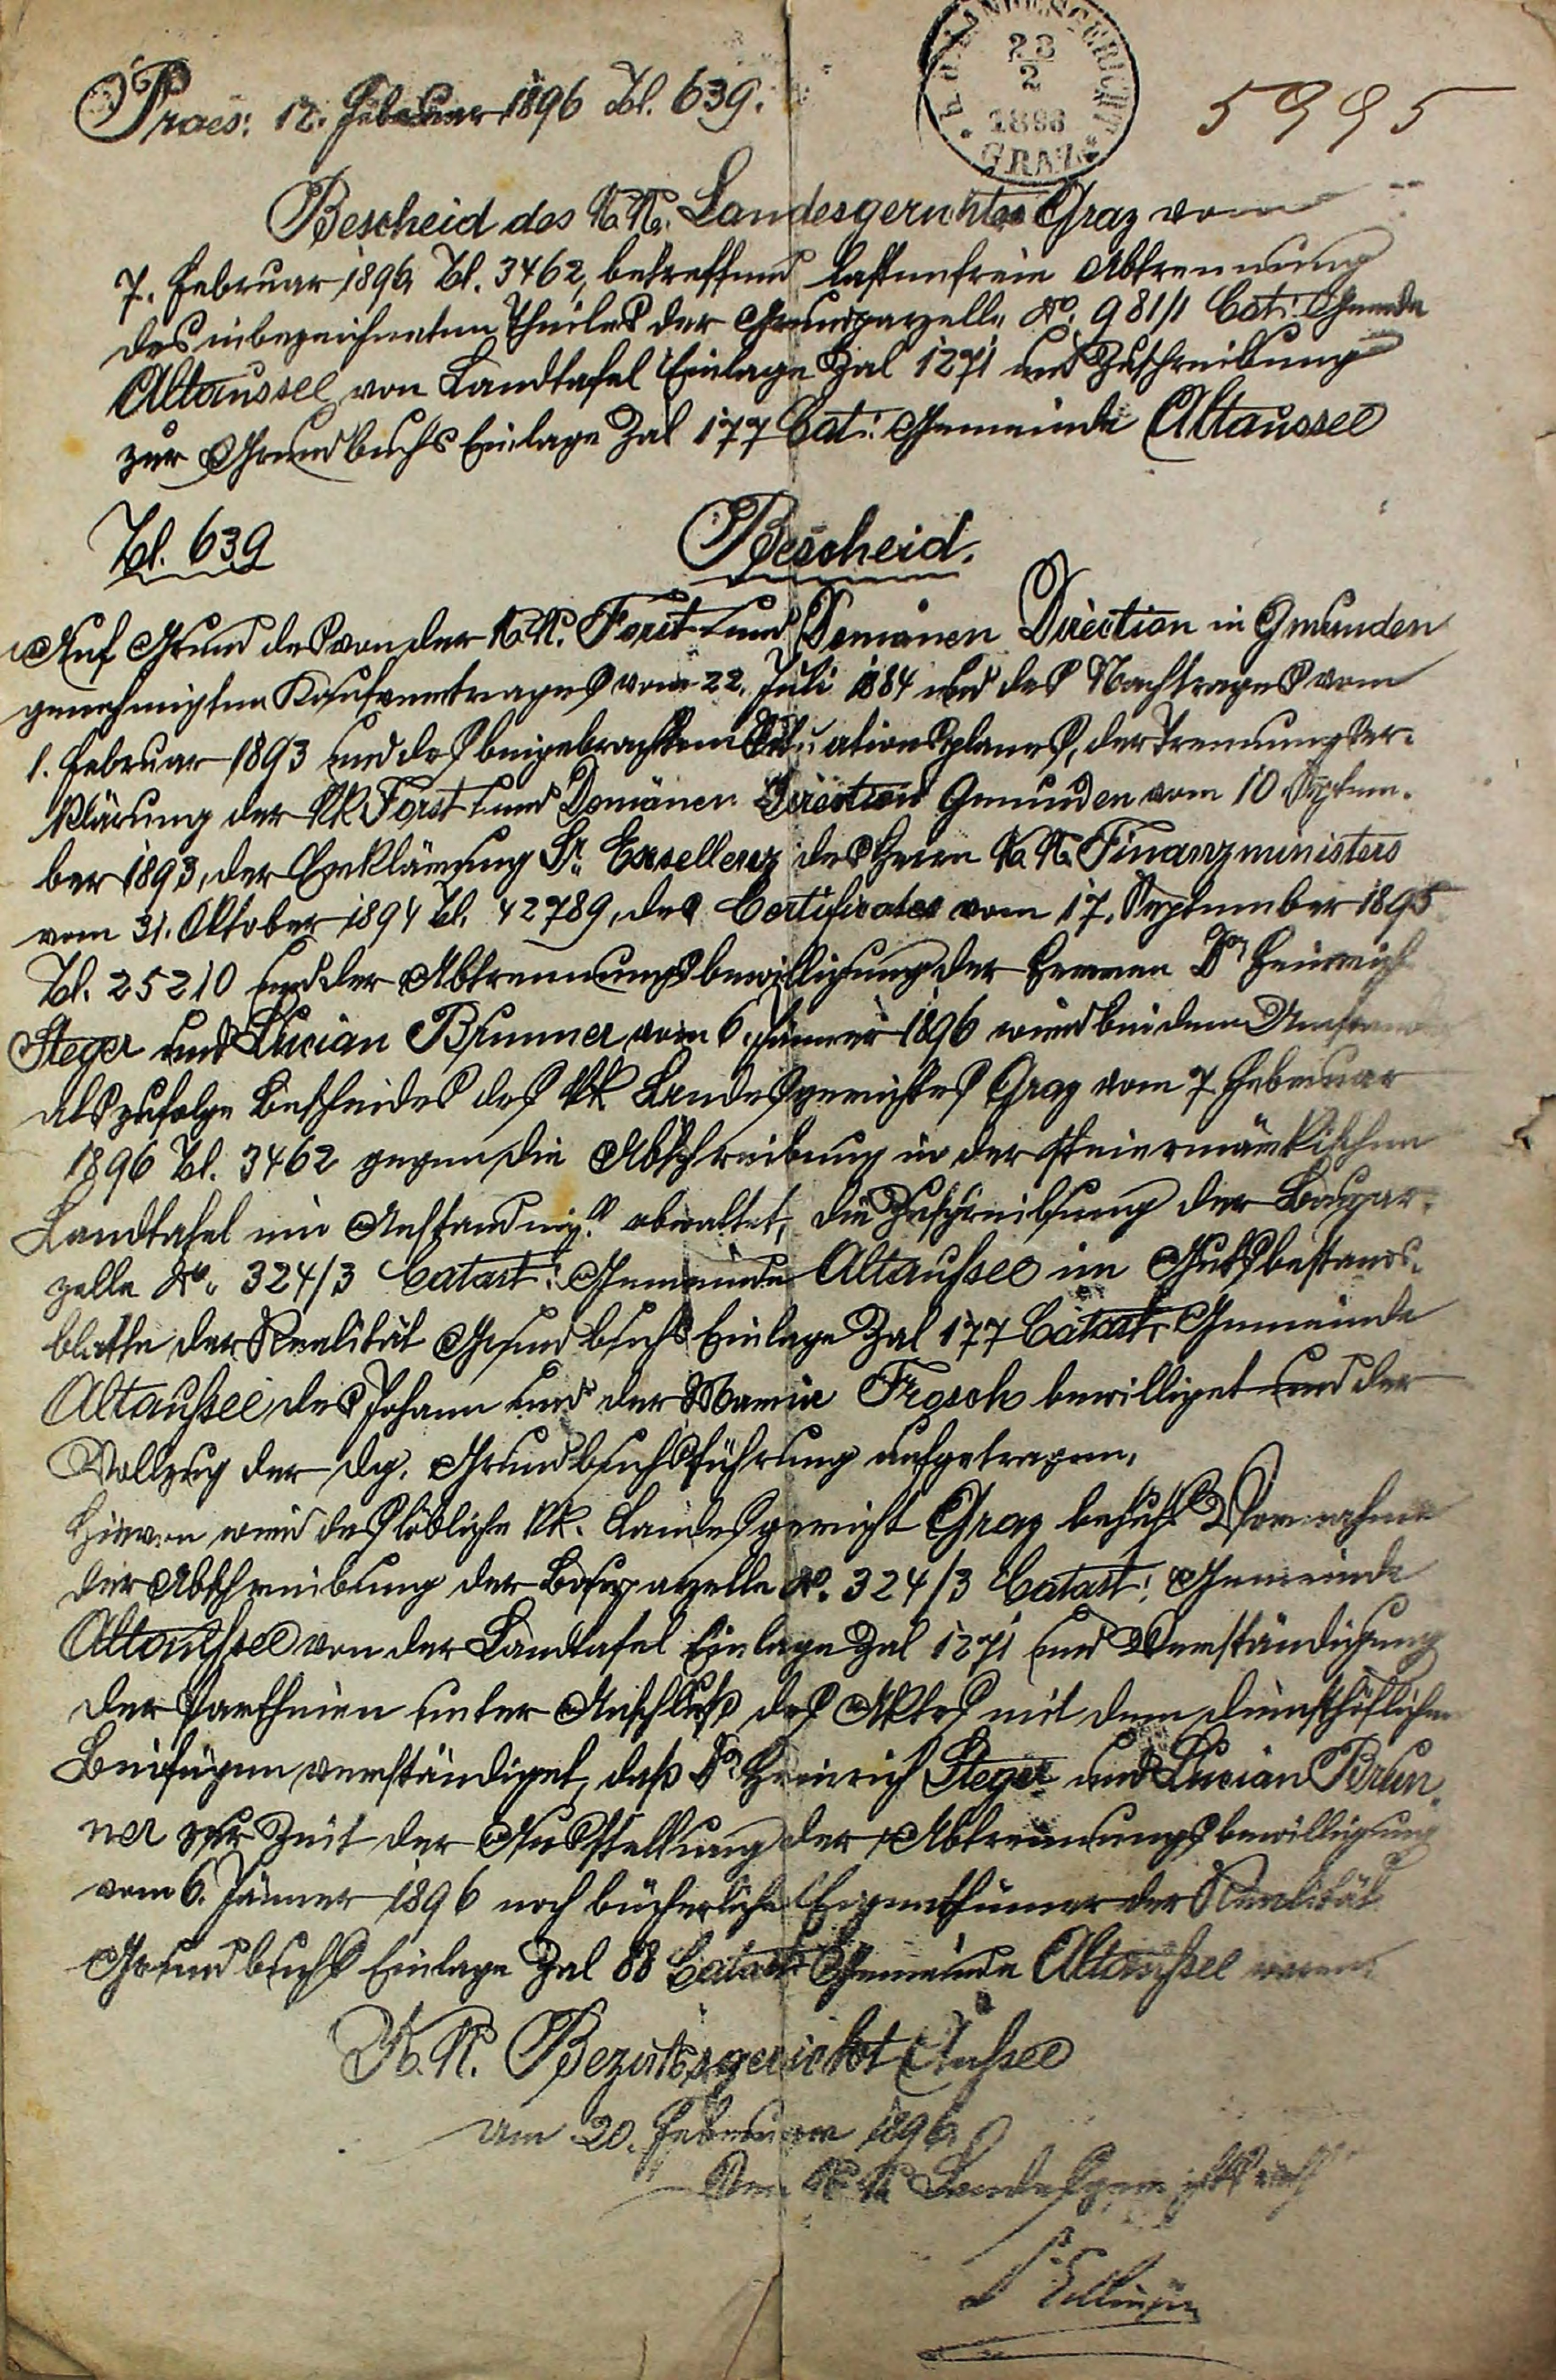Praes: 12. Februar - 1896 Bl 639.
5995
Bescheid des kk. Landesgerechtes Graz vom
7. Februar 1896 Bl. 3462, betreffend lastenfreie Abtrennung
des inbezeichneten Theiles der Grundparzelle No 981/1 Cat. Gende
Altaussee von Landtafel Einlage Zal 1271 und Zuschreibung
zur Grundbuchs Einlage Zal 177 Cat: Gemeinde Altaussee
Bl. 639
Bescheid.
Auf Grund des von der kk. Forst und Domänen Direction in Gmunden
genehmigten Kaufvertrages vom 22. Juli 1884 und des Nachtrages vom
1. Februar 1893 und des beigebrachten Situationsplanes, der Trennungser„
klärung der kk Forst und Domänen Direction Gmunden vom 10. Septem„
ber 1893, der Erklärung Sr Exsellenz des Herrn k.k. Finanzministers
vom 31. Oktober 1894 Bl. 42789, des Certificates vom 17. September 1895
Bl. 25210 und der Abtrennungsbewilligung der Hemmen Dr Heinrich
Steger und Lucian Brunner vom 6. Jänner 1896 würd bei dem Ums???
alszufolge Bescheides des kk Landesgerichtes Graz vom 7. Februar
1896 Bl. 3462 gegen die Abschreibung in der steiermämkischen
Landtafel ein Anstandnicht obwaltet, die Zuschreibung der Baupar„
zelle No 324/3 Catast: Gemeinde Altaussee im Gutsbestands„
blasse der Realität Grund Buchs Einlage Zal 177 Catastr Gemeinde
Altaussee des Johann und der Maria Frosch bewilliget und der
Vollzug der dg. Grundbuchsführung aufgetragen,
Hievon wird das löbliche kk. Landesgericht Graz behufs Vornahme
der Abschreibung der Bauparzelle No 324/3 Catast: Gemeinde
Altaussee von der Landtafel Einlage Zal 1271 und Verständigung
der Partheien unter Anschluss des Aktes mit dem Diensthöflichen
Beifügen verständiget, daß Dr Heinrich Steger und Lucian Brun„
ner zur Zeit der Ausstellung der Abtrennungsbewilligung
am 6. Jänner — 1896 noch bücherliche Eigenthumer der Realität
Grundbuchs Einlage Zal 88 Catast. Gemeinde Altaussee einem
k.k. Bezirksgericht Aussee
am 20. Februar 1896.
Der k.k Sandergerichtsrecht
S. Edlingen